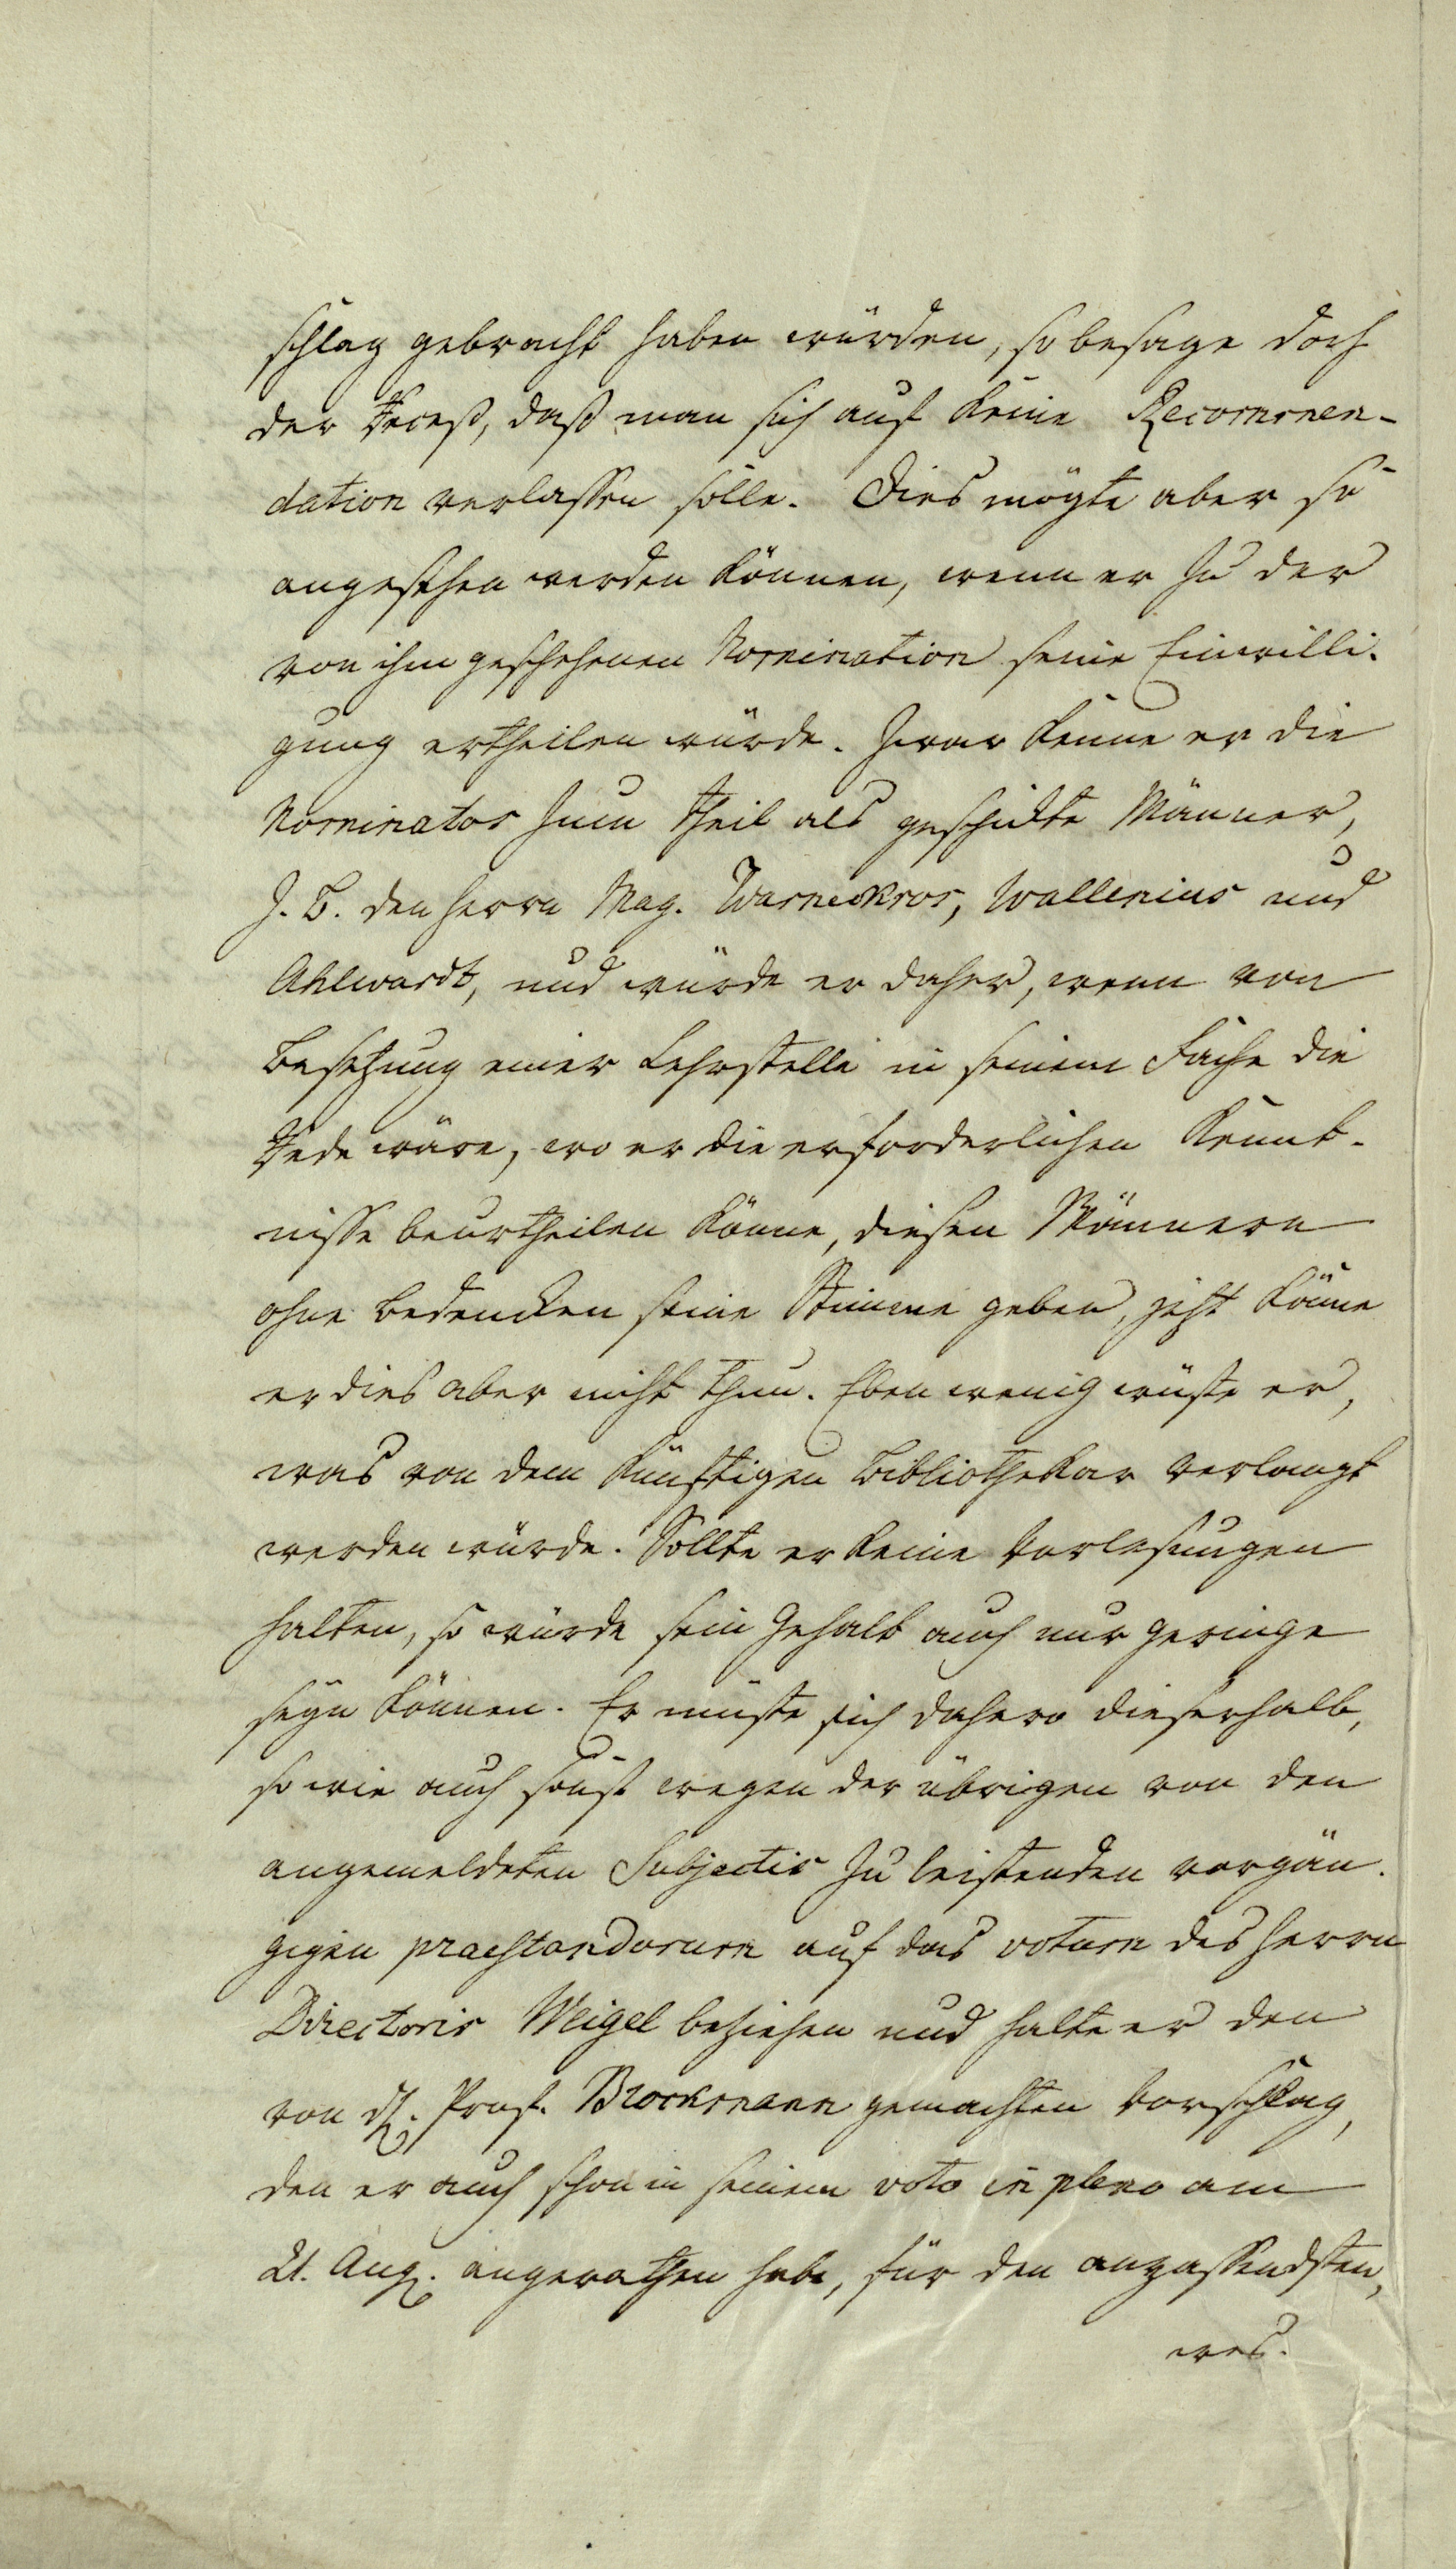schlag gebracht haben würden, so besage doch
der Receß, daß man sich auf keine Recommen¬
dation verlassen solle. Dies mögte aber so
xxx werden können, wenn er zu der
von ihm geschehenen Nomination seine Einwilli¬
gung ertheilen würde. Zwar kenne er die
Nominatos zum Theil als geschickte Männer,
z.B. den Herrn Mag. Warneckros, Wallenius und
Ahlwardt, und würde er daher, wenn von
Besetzung einer Lehrstelle in seinem Fache die
Rede wäre, wo er die erforderlichen Kennt¬
nisse beurtheilen könne, diesen Männern
ohne Bedenken seine Stimme geben, jetzt könne
er dies aber nicht thun. Eben wenig wüsste er,
was von dem künftigen Bibliothekar verlangt
werden würde. Sollte er keine Vorlesungen
halten, so würde sein Gehalt auch nur geringe
seÿn könne. Er müsste sich dahero dieserhalb,
so wie auch sonst wegen der übrigen von den
angemeldeten Subjectis zu leistenden vorgän¬
gigen praestandorum auf das votum des Herrn
Directoris Weigel beziehen und halte er den
von dh. Prof. Brockmann gemachten Vorschlag,
den er auch schon in seinem voto in pleno am
21. Aug. angerathen habe, für den anpassendsten,
wes¬